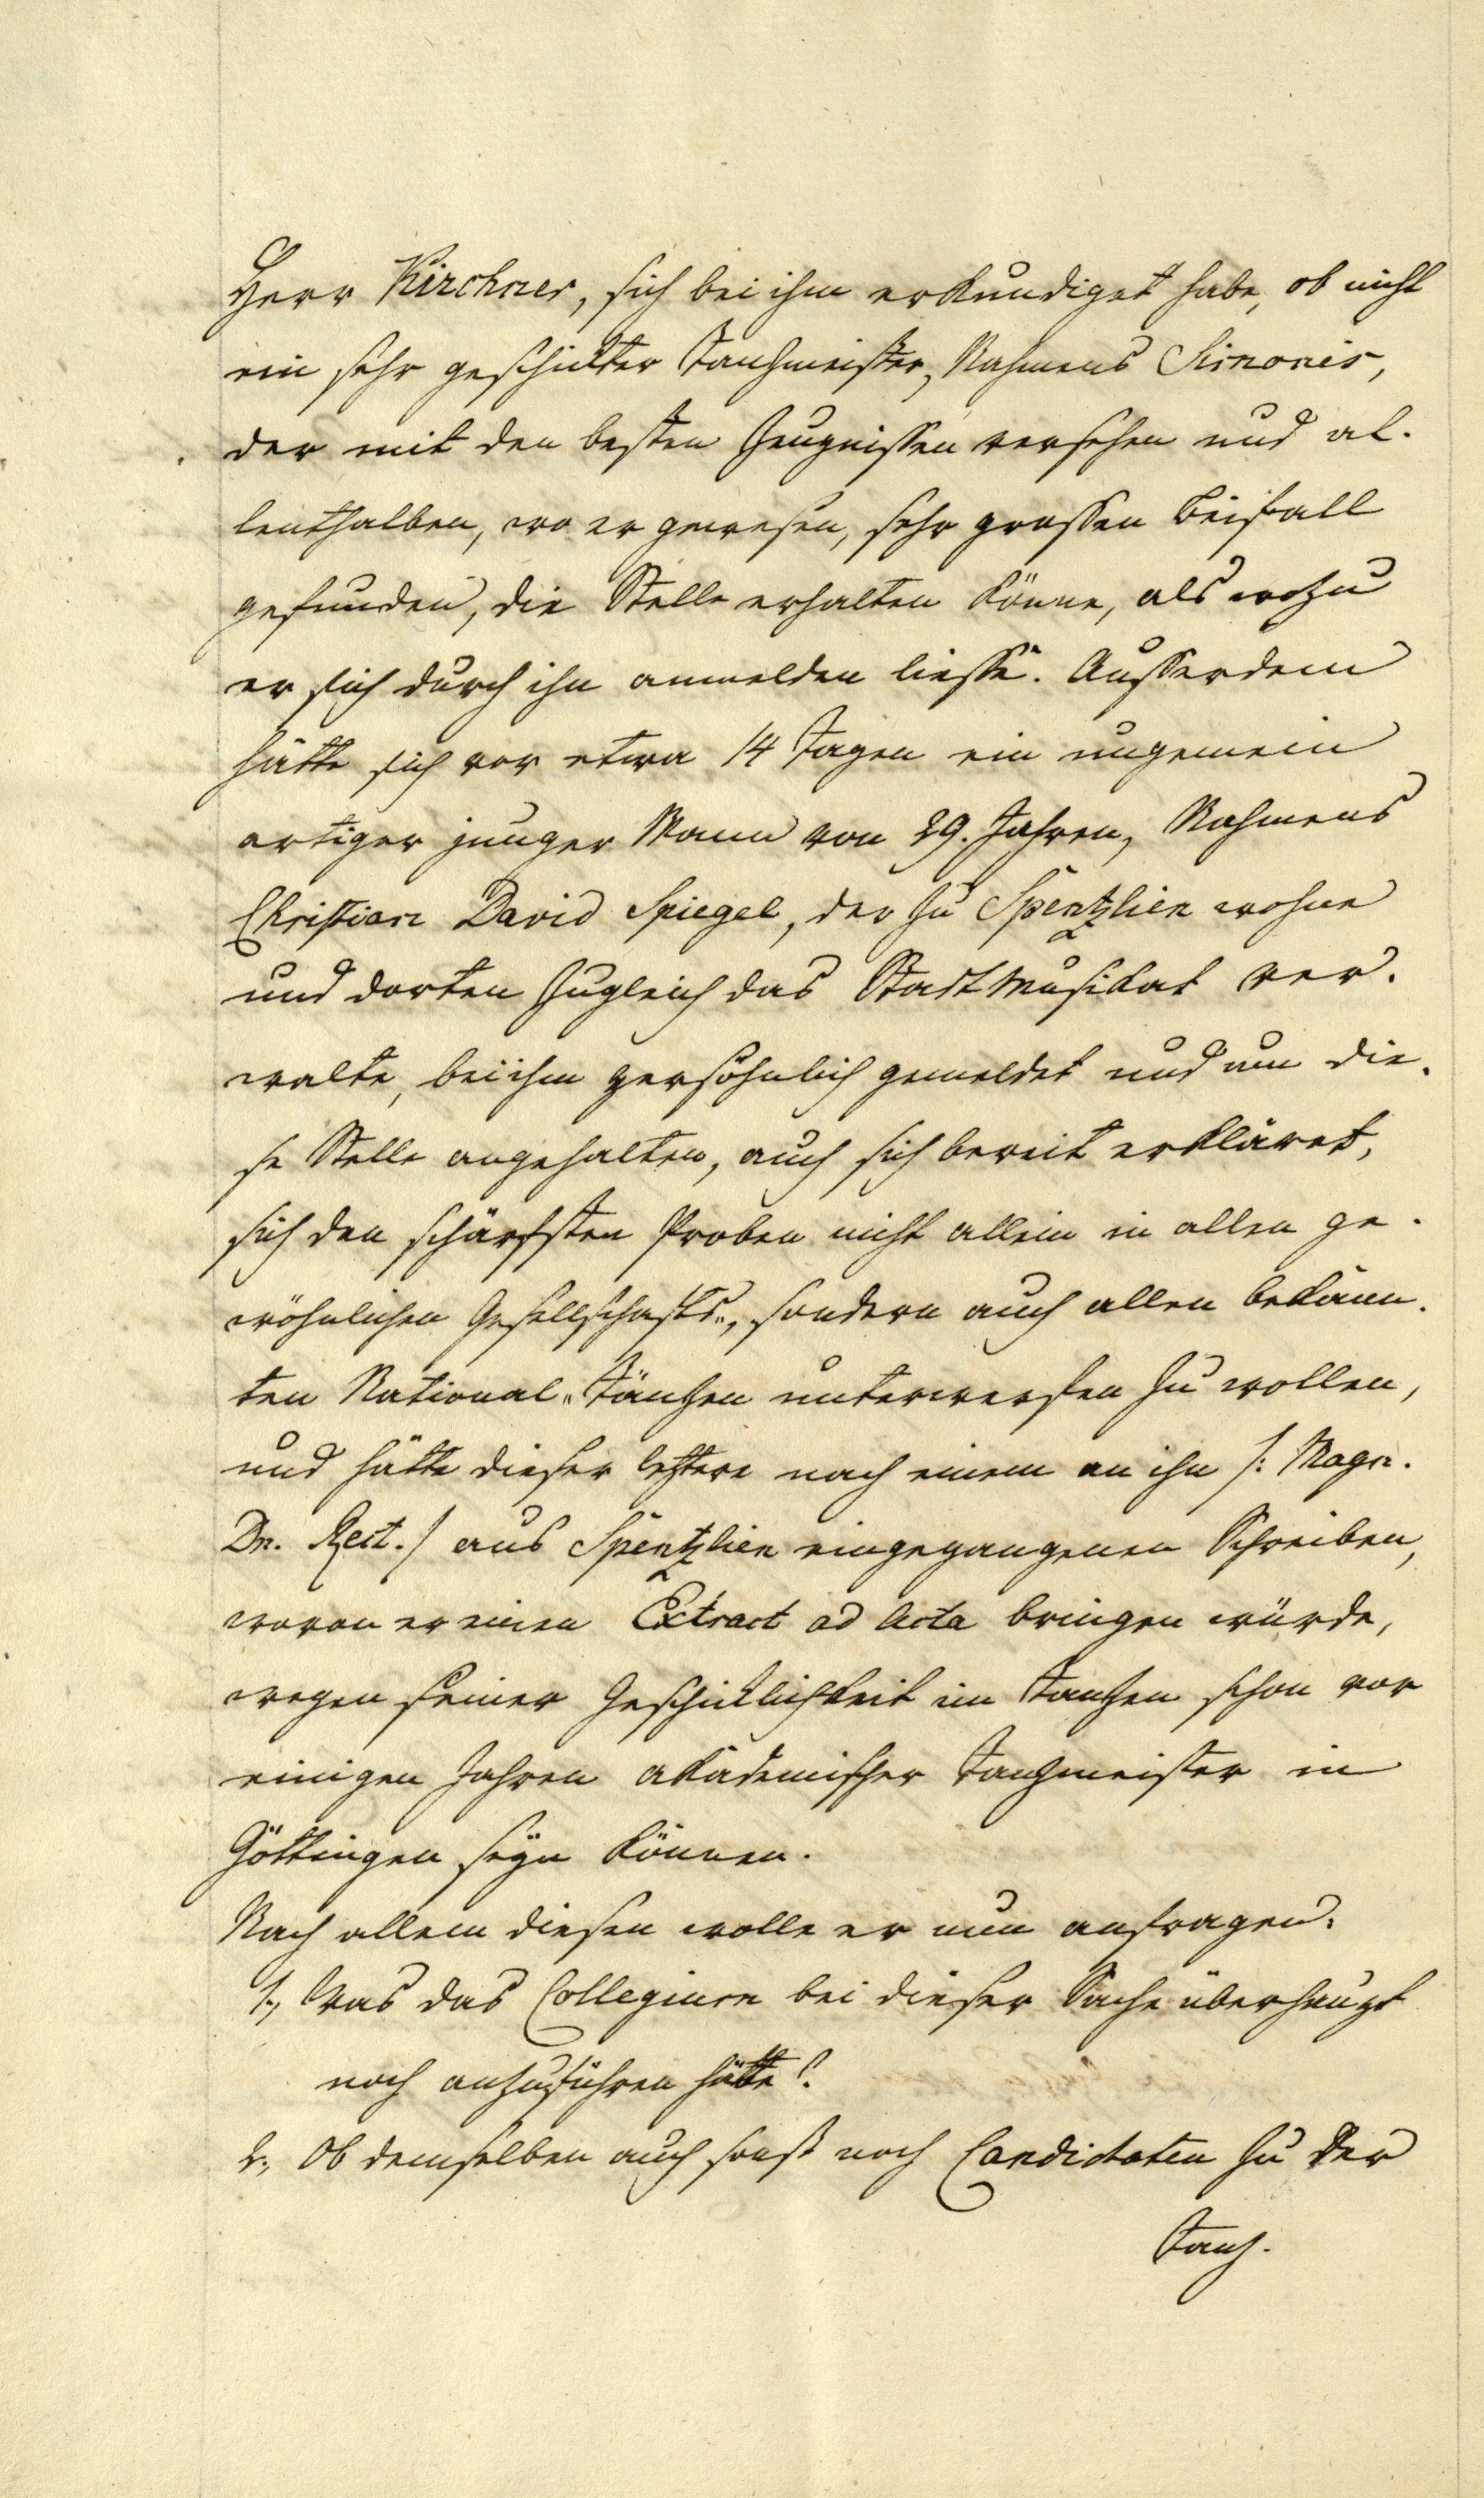Herr Kirchner, sich bei ihm erkundiget habe, ob nicht
ein sehr geschickter Tanzmeister, Nahmens Simonis,
der mit den besten Zeugnissen versehen und al¬
lenthalben, wo er gewesen, sehr grossen Beifall
gefunden, die Stelle erhalten könne, als wozu
er sich durch ihn anmelden liesse. Ausserdem
hätte sich vor etwa 14 Tagen ein ungemein
artiger junger Mann von 29 Jahren, Nahmens
Christian David Spiegel, der zu Spentzlien wohne
und dorten zugleich das Stadtmusikat ver¬
walte, bei ihm persöhnlich gemeldet und am die¬
se Stelle angehalten, auch sich bereit erkläret,
sich den schärfsten Proben nicht allein in allen ge¬
wöhnlihen Gesellschafts-, sondern auch allen bekann¬
ten National- Tänzen unterwerfen zu wollen,
und hätte dieser letztere nach einem an ihn /: Magn.
Dn. Recht. / aus Spentzlien eingegangenen Schreiben,
wovon er einen Extract ad Acta bringen würde,
wegen seiner Geschicklichkeit im Tanzen schon vor
einigen Jahren akademischer Tanzmeister in
Göttingen seÿn können.
Nach allem diesen wolle er nun anfragen:
1., Was das Collegium bei dieser Sache überhaupt
noch anzuführen hätte?
2., Ob demselben auch sonst noch Candidaten zu der
Tanz.